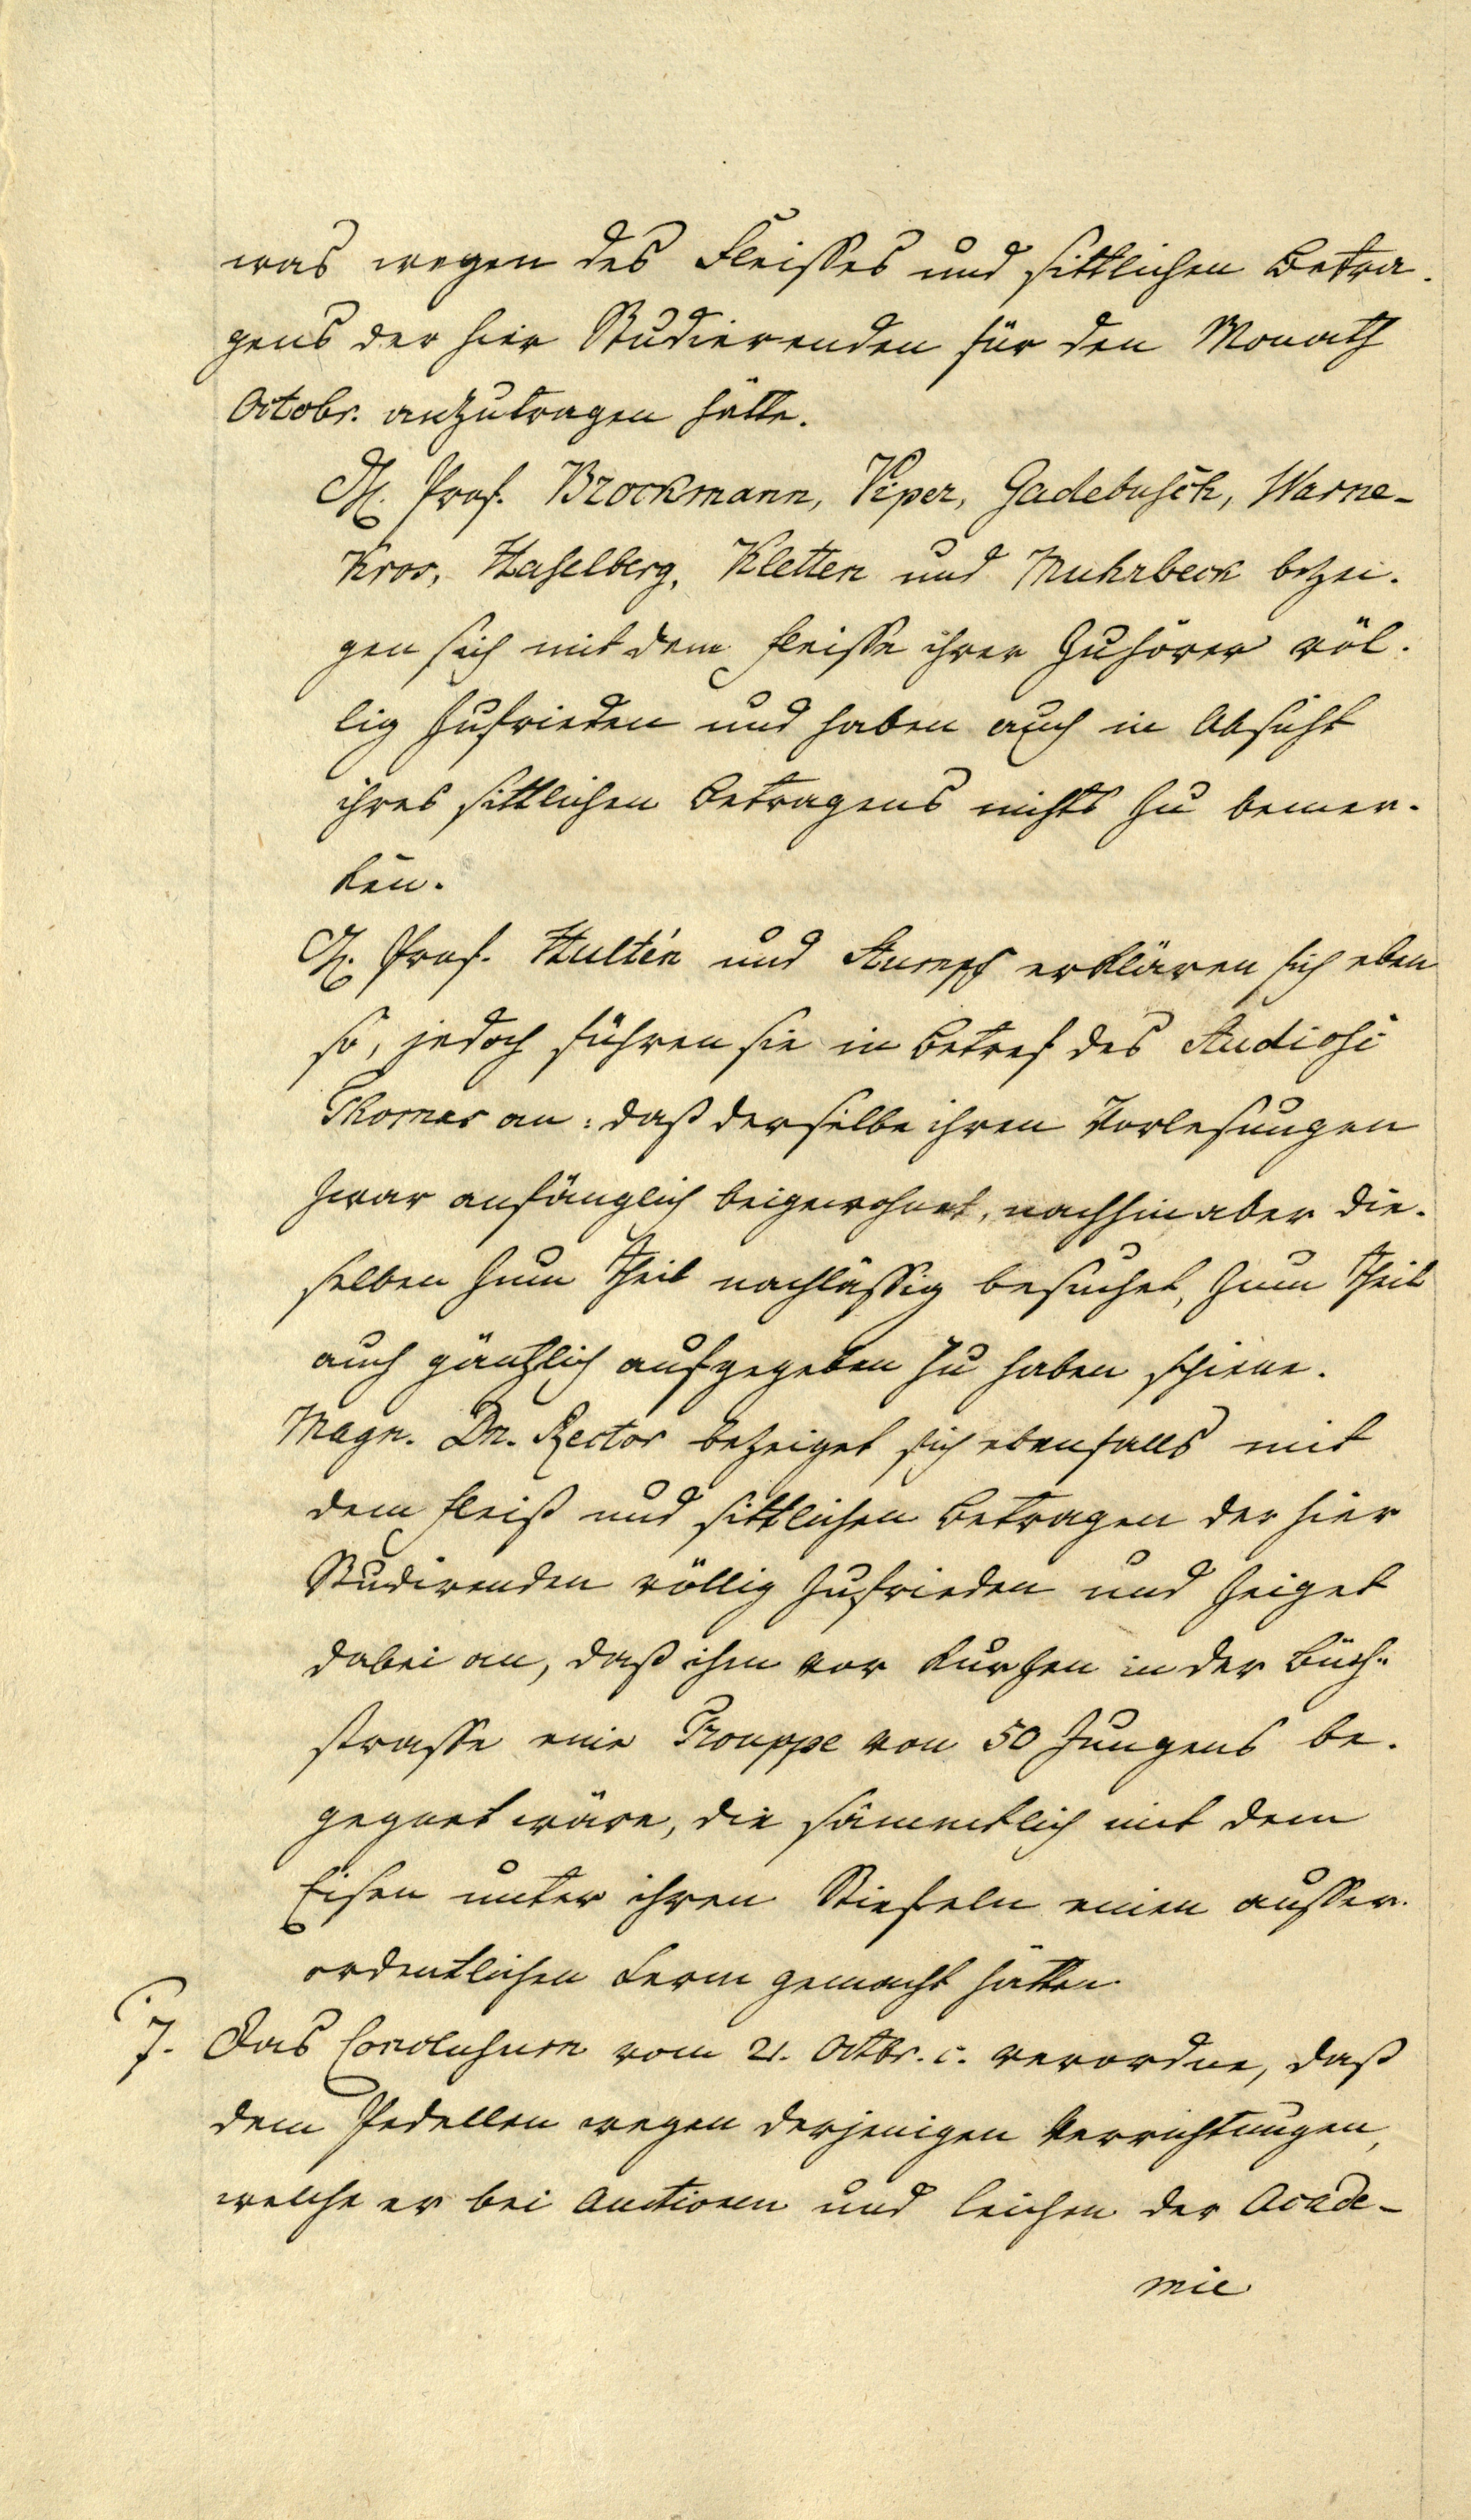was wegen des Fleisses und sittlichen Betra¬
gens der hier Studierenden für den Monath
Octobr. anzutragen hätte.
dh. Prof. Brockmann, Piper, Gadebusch, Warne¬
kros, Haselberg, Kletten und Muhrbeck bezei¬
gen sich mit dem Fleisse ihrer Zuhörer völ¬
lig zufrieden und haben auch in Absicht
ihres sittlichen Betragens nichts zu bemer-
ken.
dh. Prof. Hultén und Stumpf erklären sich eben¬
so, jedoch führen sie in Betref des Studiosi
Thomas an, daß derselbe ihren Vorlesungen
zwar anfänglich beigewohnet, nachhin aber die¬
selben zum Theil nachlässig besuchet, zum Theil
auch gäntzlich aufgegeben zu haben schiene.
Magn. Dn. Rector bezeiget sich ebenfalls mit
dem Fleiß und sittlichen Betragen der hier
Studirenden völlig zufrieden und zeiget
dabei an, daß ihm vor kurzen in der Büch¬
strasse eine Trouppe von 50 Jungens be¬
genet wäre, die sämmtlich mit dem
Eisen unter ihren Stiefeln einen ausser¬
ordentlichen Lerm gemacht hätten.
7. Das Conclusum vom 21. Octbr. c. verordne, daß
dem Pedellen wegen derjenigen Verrichtungen,
welche er bei Auctionen und leichen der Acade¬
mie